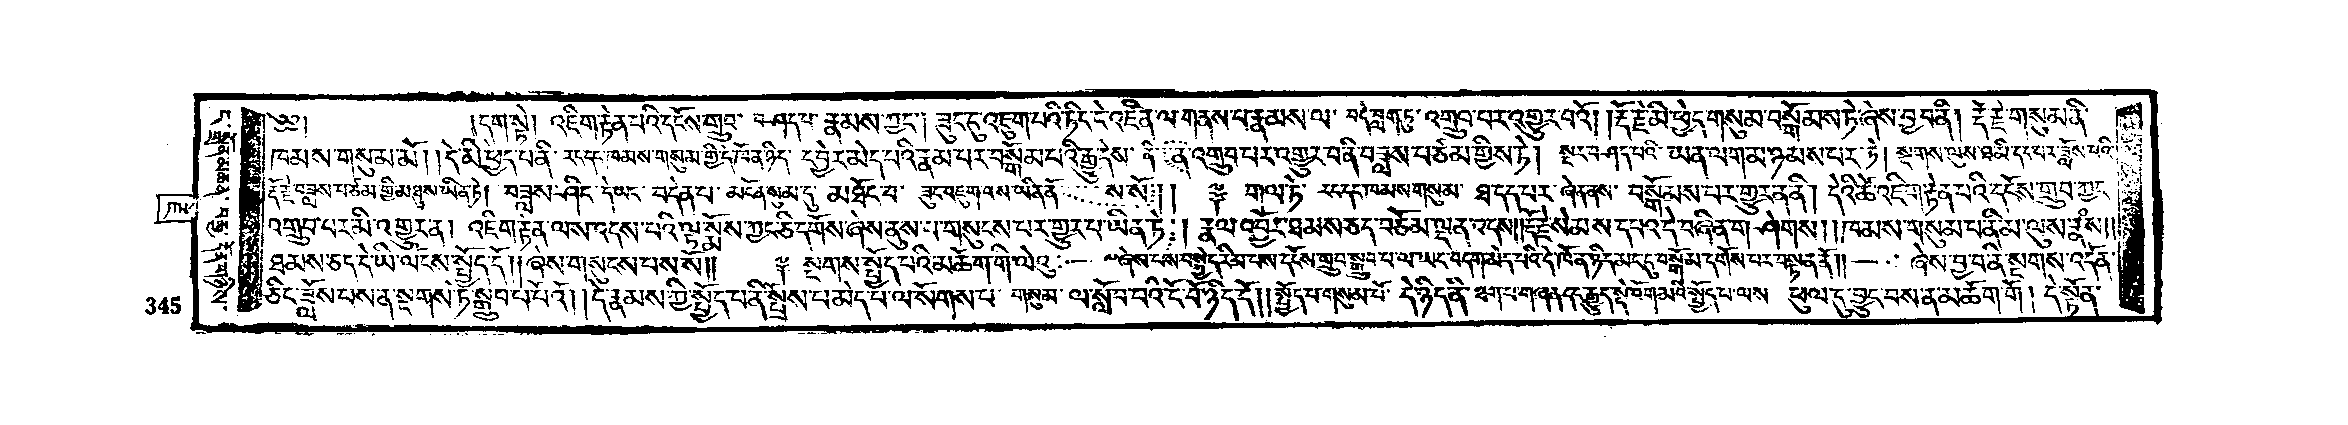༄༅། །དག་སྟེ། འཇིག་རྟེན་པའི་དངོས་གྲུབ་བཤད་པ་རྣམས་ཀྱང་། ཟུང་དུ་འཇུག་པའི་ཏིང་ངེ་འཛིན་ལ་གནས་པ་རྣམས་ལ་བདེ་བླག་ཏུ་འགྲུབ་པར་འགྱུར་པའོ། །རྡོ་རྗེ་མི་ཕྱེད་གསུམ་བསྒོམས་ཏེ་ཞེས་བྱ་བ་ནི། རྡོ་རྗེ་གསུམ་ནི་
ཁམས་གསུམ་མོ། །དེ་མི་ཕྱེད་པ་ནི་རང་དང་ཁམས་གསུམ་གྱི་དེ་ཁོ་ན་ཉིད་དབྱེར་མེད་པའི་རྣམ་པར་བསྒོམ་པའི་རྒྱུ་དེས་ནི་ན་འགྲུབ་པར་འགྱུར་པ་ནི་བཟླས་པ་ཙམ་གྱིས་ཏེ། སྔར་བཤད་པའི་ཡན་ལག་མ་ཉམས་པར་ཏེ། སྔགས་ལུས་ཟ་མི་དང་པར་ཟློས་པའི་
རྡོ་རྗེ་བཟླས་པ་ཙམ་གྱི་མཐུས་ཡིན་ཏེ། བཟླས་ཤིང་དེ་ཡང་བདེན་པ་མངོན་སུམ་དུ་མཐོང་བ་ཟུང་འཇུག་པས་ཡིན་ནོ་ས་སོ། ། ༈ གལ་ཏེ་རང་དང་ཁམས་གསུམ་ཐ་དད་པར་ཞེན་ནས་བསྒོམས་པར་གྱུར་ན་ནི། དེའི་ཚེ་འཇིག་རྟེན་པའི་དངོས་གྲུབ་ཀྱང་
འགྲུབ་པར་མི་འགྱུར་ན། འཇིག་རྟེན་ལས་འདས་པའི་ལྟ་སྨོས་ཀྱང་ཅི་དགོས་ཞེས་ནུས་པ་གསུངས་པར་གྱུར་པ་ཡིན་ཏེ། རྣལ་འབྱོར་ཐམས་ཅད་བཅོམ་ལྡན་འདས། །རྡོ་རྗེ་སེམས་དཔའ་དེ་བཞིན་གཤེགས། །ཁམས་གསུམ་པ་ནི་མ་ལུས་རྣམས།།
ཐམས་ཅད་དེ་ཡི་ལོངས་སྤྱོད་དོ། །ཞེས་གསུངས་པས་སོ།། ༈ སྔགས་སྤྱོད་པའི་མཆོག་གི་ལེའུ་H.་༧ཞེས་པས་བསྐྱེད་རིམ་པས་དངོས་གྲུབ་སྒྲུབ་པ་ལ་ཡང་བདག་མེད་པའི་དེ་ཁོ་ན་ཉིད་མང་དུ་བསྒོམ་དགོས་པར་བསྟན་ནོ།། .H ཞེས་བྱ་བ་ནི་སྔགས་འདོན་
ཅིང་ཟློས་པས་ན་སྔགས་ཏེ་སྒྲུབ་པ་པོའོ། །དེ་རྣམས་ཀྱི་སྤྱོད་པ་ནི་སྤྲོས་པ་མེད་པ་ལ་སོགས་པ་གསུམ་ལ་སློབ་པའི་ངོ་བོ་ཉིད་དོ། ། སྤྱོད་པ་གསུམ་པོ་དེ་ཉིད་ནི་ཐག་པ་གཞན་དང་རྒྱུད་སྡེ་འོག་མའི་སྤྱོད་པ་ལས་ཕུལ་དུ་བྱུང་བས་ན་མཆོག་གོ །དེ་སྟོན་